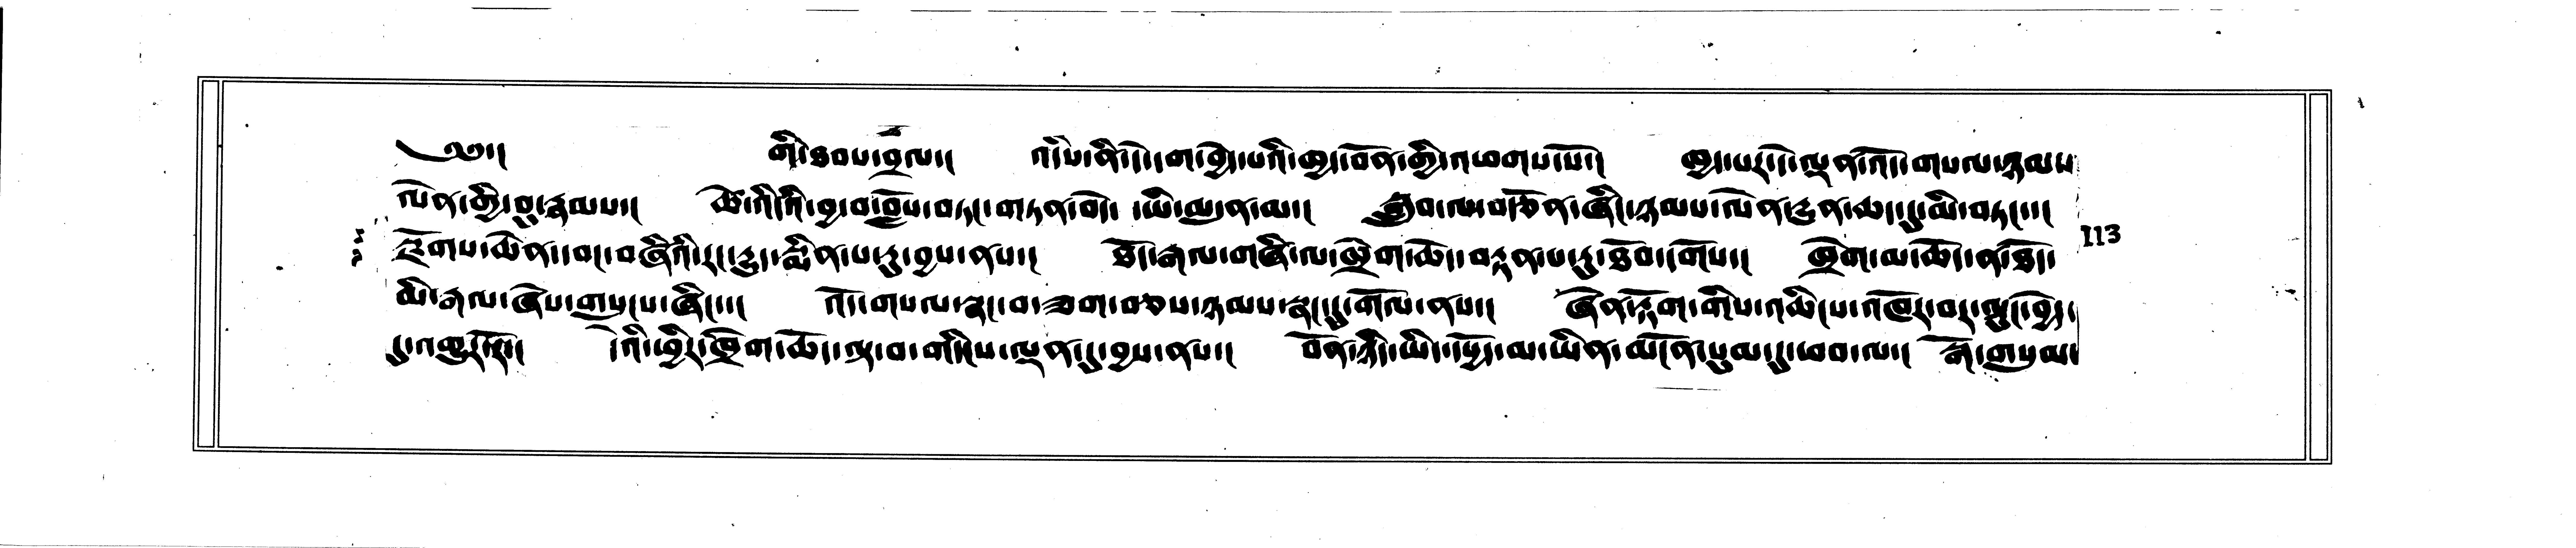གི་ཐབས་བྲལ། །འདིས་ནི་དེ་དག་བྱེད་པའི་ཁྱད་བོན་ནི་འཕགས་སོ། །ཁྱད་པར་དེ་ལྡན་འོད་གསལ་ཉམས་
ལེན་གྱི་བུ་རྣམས། །ཚེ་འདིའི་བྱ་བ་བློས་བཏང་གཏན་བདེ་ཡི་འདུན་མ། །སྒྲུབ་ལ་བརྩོན་ཞིང་ཉམས་ལེན་རྒྱུན་ཆད་དུ་མི་བཏང་།
།རྫོགས་ཆེན་དབང་བཞིའི་རང་རྒྱུད་སྨིན་པ་རུ་བྱས་ནས། །ཐོད་རྒལ་གཞི་ལ་ཁྲེག་ཆོད་བརྟན་པ་རུ་ཐོབ་དགོས། །ཁྲེག་མ་ཆོད་ན་ཐོད་
མི་བརྒལ་ཞེས་གསུང་ཞིང་། །འོད་གསལ་སྣང་བ་ཟག་བཅས་ཉམས་སྣང་དུ་གོལ་ནས། །ཞེན་རྟོག་གིས་འཆིང་འཁོར་བར་ལྟུང་བྱེད་
དུ་འགྱུར་རོ། །དེའི་ཕྱིར་ཁྲེག་ཆོད་ལྟ་བ་གདེང་ལྡན་དུ་བྱས་ནས། །བོན་ཉིད་ཡིད་དཔྱོད་མ་ཡིན་མངོན་སུམ་དུ་ཕབ་ལ། །སྒོ་གསུམ་